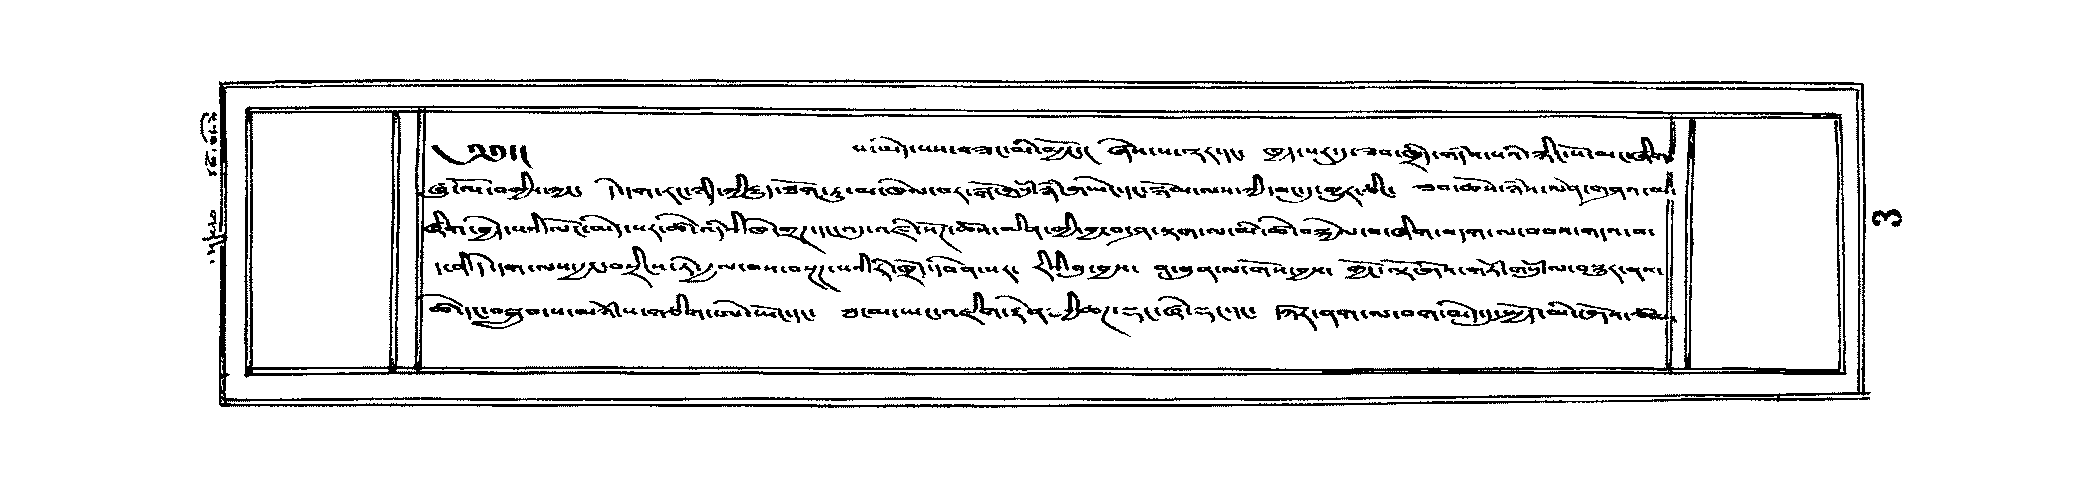བ་མེད་པས་བཟང་མི་མྱོང་།། ཞེས་པ་ལྟར་དང་། ཁྱད་པར་དུ་ཟབ་ཁྲིད་གདམས་པའི་སྙིང་པོ་མང་ཞིག་
ཞུ་ལོ་བགྱིད་ཀྱང་། དེ་དག་རང་ཉིད་ཀྱི་རྒྱུད་ཐོག་ཏུ་མ་ཁེལ་བར་སྒོ་གསུམ་རྣམ་གཡེང་སྙོམ་ལས་ཀྱི་དབང་དུ་གྱུར་ཅིང་ཟབ་ཆོས་ཉམས་ལེན་གཤའ་མ་
ཞིག་བྱེད་པའི་ལོང་མེད་པར་ཚེ་འདིའི་ཁེ་གྲགས་དང་འདུ་འཛི་སོགས་ཆོས་མིན་གྱི་བྱ་བ་ཤ་སྟག་ལ་མི་ཚེ་བསྐྱེལ་བ་ཞིག་བདག་ལ་འབབ་གདའ་བས། 
ད་ནི་དེ་དག་ལས་བརྒྱང་བསྲིངས་ཏེ་རྒྱལ་བའི་བསྔགས་པས་རི་ཁྲོད་དབེན་པར། རིའི་བུ་བྱས། ན་བུན་ལ་གོས་བྱས། གྱོང་ལྟོ་གོས་གཏམ་གསུམ་ལ་བསྐུར་ནས་
ཚེ་དང་བསྒྲུབ་པ་མཉམ་པ་ཞིག་ཨེ་ཡོང་དང་། ཐ་མ་ཡང་འཇིག་རྟེན་གྱི་ཆགས་སྡང་ཞེ་སྡང་དང་། དཀོར་ནག་ལ་བག་མེད་དུ་སྤྱོད་མི་དགོས་ཙམ་